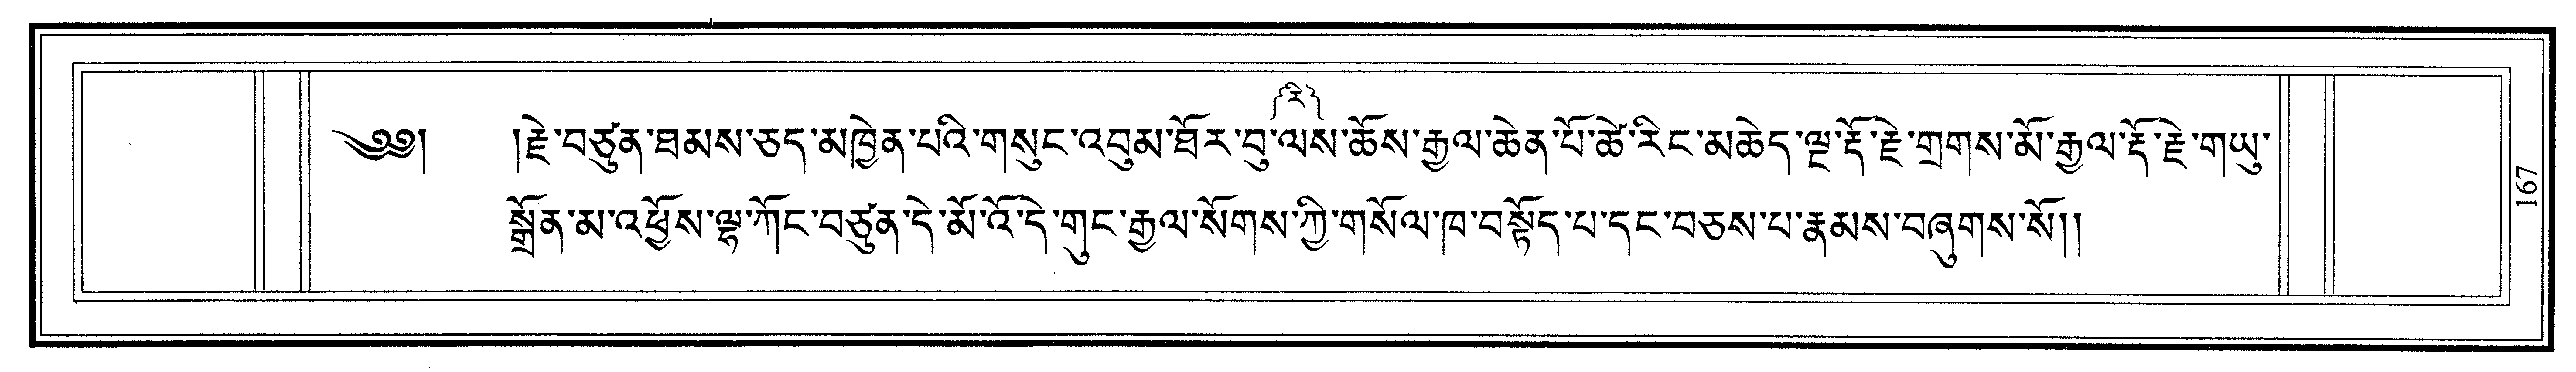༄༅། །རྗེ་བཙུན་ཐམས་ཅད་མཁྱེན་པའི་གསུང་འབུམ་ཐོར་བུ་ལས་ཆོས་རྒྱལ་ཆེན་པོ་ཚེ་རིང་མཆེད་ལྔ་རྡོ་རྗེ་གྲགས་མོ་རྒྱལ་རྡོ་རྗེ་གཡུ་
སྒྲོན་མ་འཕྱོས་ལྷ་ཀོང་བཙུན་དེ་མོ་འོ་དེ་གུང་རྒྱལ་སོགས་ཀྱི་གསོལ་ཁ་བསྟོད་པ་དང་བཅས་པ་རྣམས་བཞུགས་སོ།།